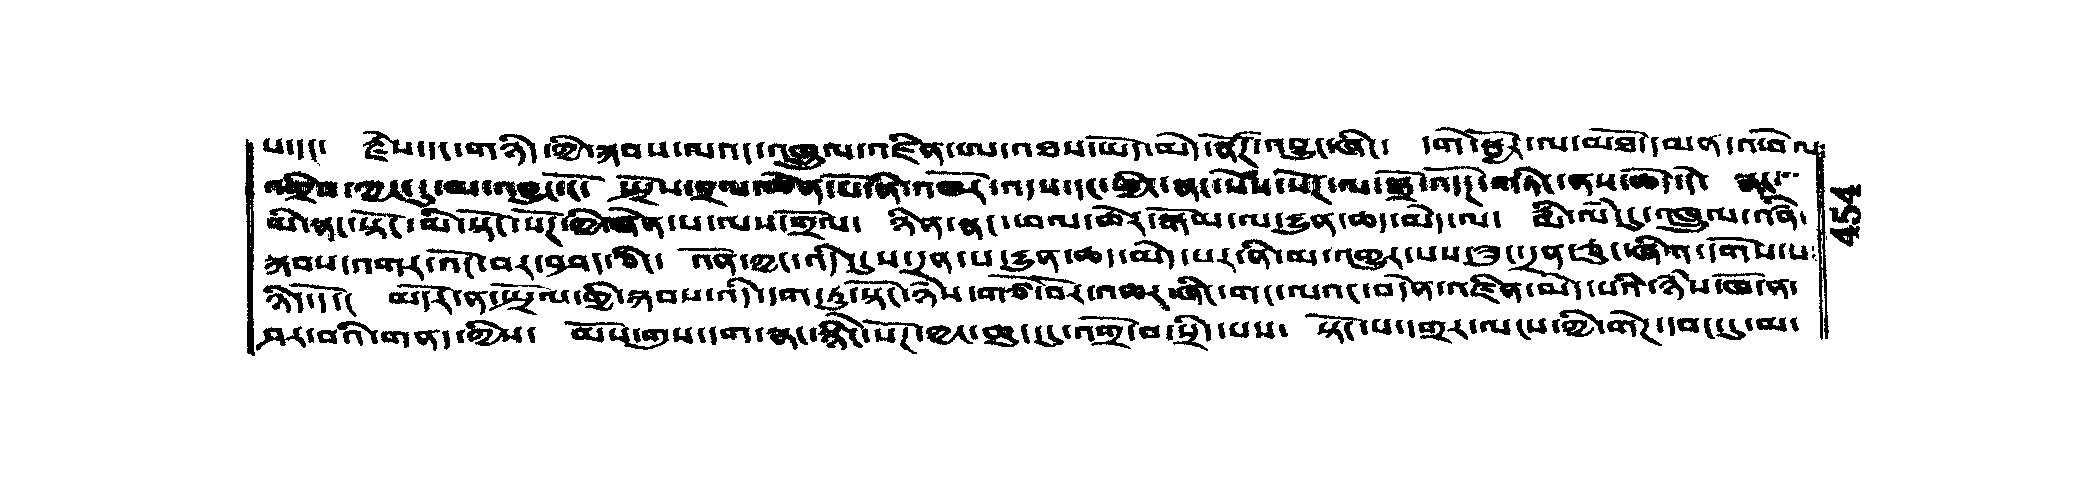པ་དང་། རྗེས་དང་གཉིད་ཀྱི་སྐབས་ལའང་འཁྲུལ་འཛིན་ཨ་འཐས་ཡོད་མེད་སྣ་ཚོགས་འབྱུང་ཞིང་། དགེ་སྦྱོར་ལ་མཐོ་དམན་འཕེལ་
འགྲིབ་ཀྱང་དུ་མ་འབྱུང་ངོ་། སྤྲོས་བྲལ་ཆེན་པོ་ནི་འཁོར་འདས་དང་ཕྱི་ནང་སྣང་སེམས་སོགས་ལ་སྒྲོ་འདོགས་གཏིང་ནས་ཆོད་དེ། སྣང་
མི་སྣང་སྟོང་མི་སྟོང་སོགས་ཀྱི་ཞེན་པ་ལས་གྲོལ། ཉིན་སྣང་ཕལ་ཆེར་སྒོམ་ལ་རྒྱུད་ཆད་མེད་ལ། རྨི་ལམ་དུ་འཁྲུལ་འཛིན་
སྐབས་འགར་འོང་བར་བཤད་ཅིང་། འོན་ཀྱང་འདི་དུས་དྲན་པ་རྒྱུན་ཆད་མེད་པར་ནི་མ་འགྱུར་པས་ཟུང་དྲན་ཅུང་ཞིག་དགོས་པ་
ཉིད་དོ། མདོར་ན་སྤྲོས་བྲལ་གྱི་སྐབས་འདི་དག་ཏུ་སྟོང་ཉམས་གཙོ་བོར་འཆར་ཞིང་གང་ལའང་བདེན་འཛིན་མེད་པའི་ཉམས་ཁོ་ན་
ཤར་བའི་གནད་ཀྱིས། མོས་གུས་དག་སྣང་སྙིང་རྗེ་སོགས་ཀྱང་ཆུང་དུ་འགྲོ་བ་སྲིད་པས། སྟོང་པ་དགྲར་ལངས་ཀྱི་གེགས་དབང་དུ་མ་